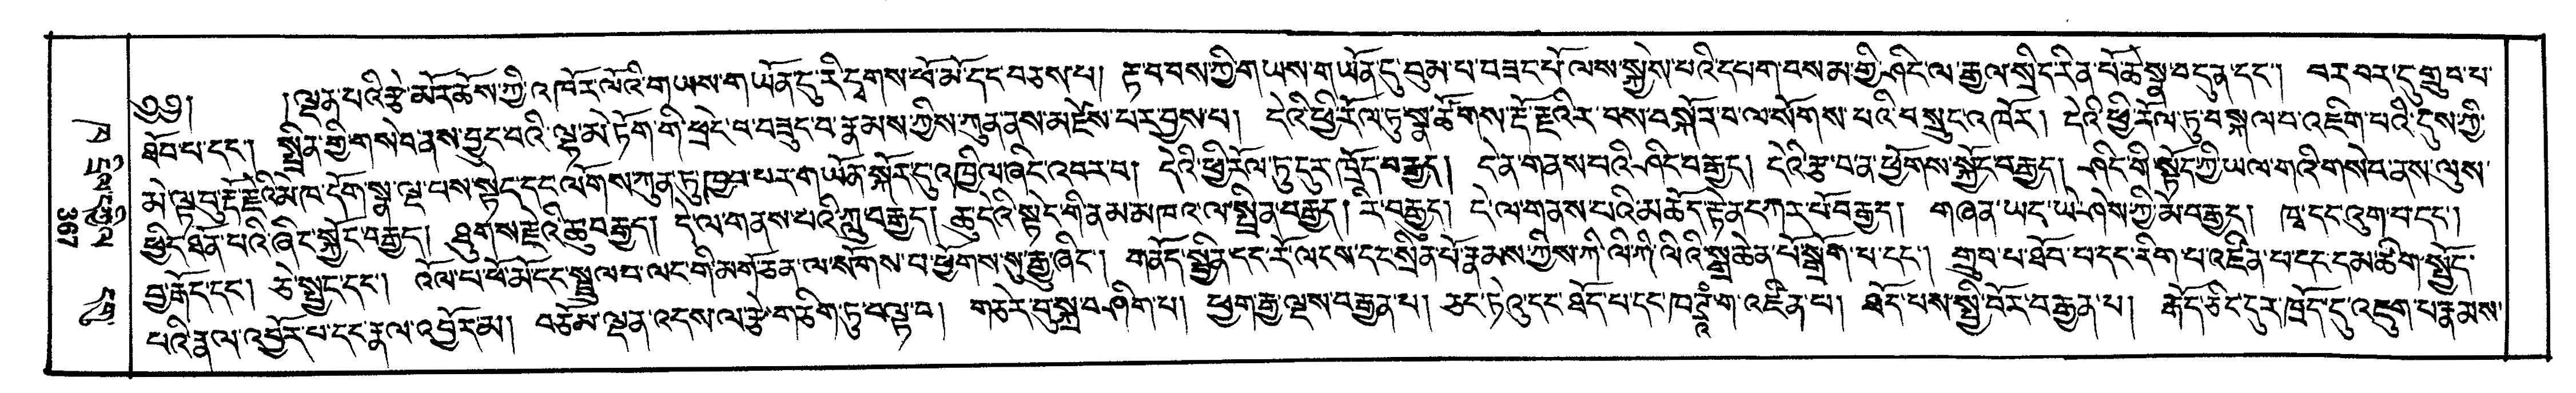༄༅། །ལྡན་པའི་རྩེ་མོར་ཆོས་ཀྱི་འཁོར་ལོའི་གཡས་གཡོན་དུ་རི་དྭགས་ཕོ་མོ་དང་བཅས་པ། རྟ་བབས་ཀྱི་གཡས་གཡོན་དུ་བུམ་པ་བཟང་པོ་ལས་སྐྱེས་པའི་དཔག་བསམ་གྱི་ཤིང་ལ་རྒྱལ་སྲིད་རིན་པོ་ཆེ་སྣ་བདུན་དང་། བར་བར་དུ་གྲུབ་བ་
ཐོབ་པ་དང་། སྦྲིན་གྱི་གསེབ་ནས་བྱུང་བའི་ལྷ་མེ་ཏོག་གི་ཕྲེང་བ་བཟུང་བ་རྣམས་ཀྱིས་ཀུན་ནས་མཛེས་པར་བྱས་པ། དེའི་ཕྱི་རོལ་ཏུ་སྣ་ཚོགས་རྡོ་རྗེའི་ར་བས་བསྐོར་བ་ལ་སོགས་པའི་བསྲུང་འཁོར། དེའི་ཕྱི་རོལ་ཏུ་བསྐལ་བ་འཇིག་པའི་དུས་ཀྱི་
མེ་ལྟ་བུ་རྡོ་རྗེའི་མེ་ཁ་དོག་སྣ་ལྔ་པས་སྟེང་དང་ལོགས་ཀུན་ཏུ་ཁྱབ་པར་གཡོན་སྐོར་དུ་འཁྱིལ་ཞིང་འབར་བ། དེའི་ཕྱི་རོལ་ཏུ་དུར་ཁྲོད་བརྒྱད། དེ་ན་གནས་པའི་ཤིང་བརྒྱད། དེའི་རྩ་བ་ན་ཕྱོགས་སྐྱོང་བརྒྱད། ཤིང་གི་སྟོད་ཀྱི་ཡལ་གའི་གསེབ་ནས་ལུས་
ཕྱད་ཐོན་པའི་ཞིང་སྐྱོང་བརྒྱད། ཐུགས་རྗེའི་ཆུ་བརྒྱད། དེ་ལ་གནས་པའི་ཀླུ་བརྒྱད། ཆུ་དེའི་སྟེང་གི་ནམ་མཁའ་ལ་སྤྲིན་བརྒྱད། རི་བརྒྱད། དེ་ལ་གནས་པའི་མཆོད་རྟེན་དཀར་པོ་བརྒྱད། གཞན་ཡང་ཡེ་ཤེས་ཀྱི་མེ་བརྒྱད། ཁྭ་དང་འུག་པ་དང་།
བྱ་རྒོད་དང་། ཅེ་སྦྱང་དང་། འོལ་པ་ཕོ་མོ་དང་སྦྲུལ་བ་ལང་གི་མགོ་ཅན་ལ་སོགས་པ་ཕྱོགས་སུ་རྒྱུ་ཞིང་། གནོད་སྦྱིན་དང་རོ་ལངས་དང་སྲིན་པོ་རྣམས་ཀྱིས་ཀི་ལི་ཀི་ལིའི་སྒྲ་ཆེན་པོ་སྒྲོག་པ་དང་། གྲུབ་པ་ཐོབ་བ་དང་རིག་པ་འཛིན་པ་དང་དམ་ཚིག་སྤྱོད་
པའི་རྣལ་འབྱོར་པ་དང་རྣལ་འབྱོར་མ། བཅོམ་ལྡན་འདས་ལ་རྩེ་གཅིག་ཏུ་བལྟ་བ། གཅེར་བུ་སྐྲ་བཤིག་པ། ཕྱག་རྒྱ་ལྔས་བརྒྱན་པ། ཅང་ཏེའུ་དང་ཐོད་པ་དང་ཁ་ཊྭཱཾ་ག་འཛིན་པ། ཐོད་པས་སྤྱི་བོར་བརྒྱན་པ། རྒོད་ཅིང་དུར་ཁྲོད་དུ་འཇུག་པ་རྣམས་